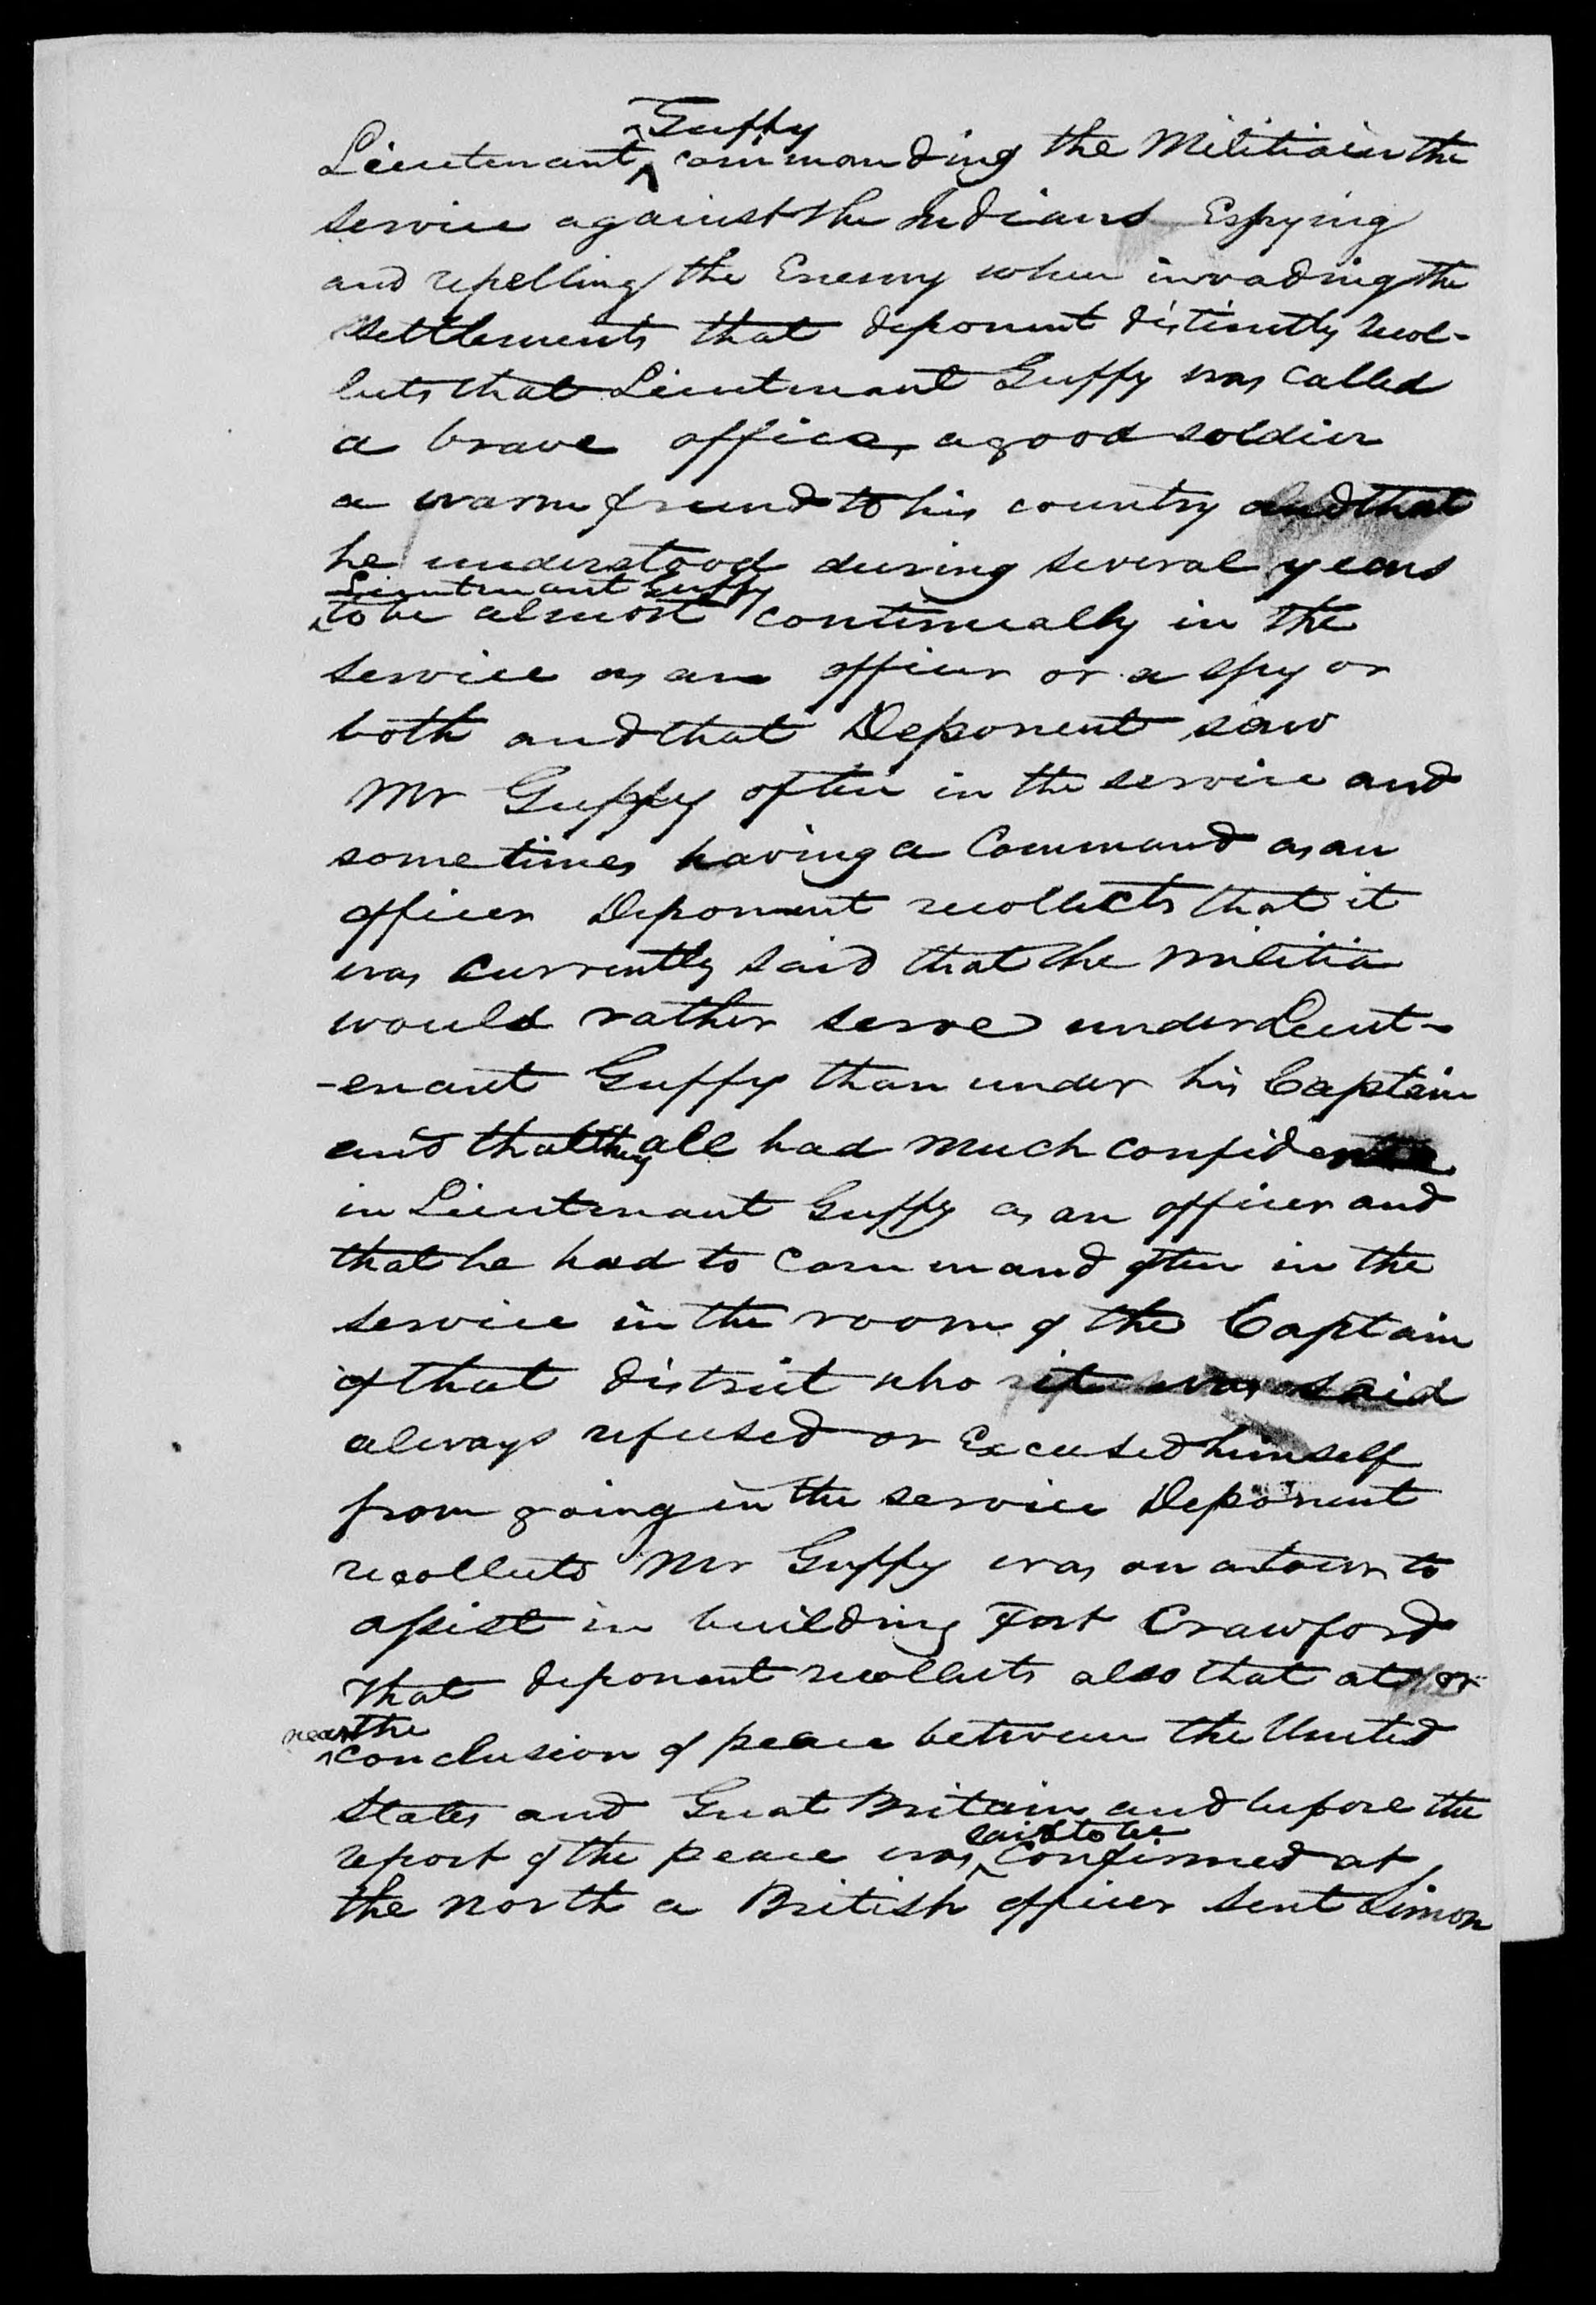Lieutenant ^ Guffy commanding the Militia in the service against the Indian & spying and
repelling the Enemy when invading the
settlements that deponent distinctly recollects
that Lieutenant Guffy was called
a brave officer a good soldier
a warm friend to his country and that
he understood during several years
Lieutenant Guffy to be almost continually in the service as an officer or a spy or
both and that Deponent saw
Mr Guffy often in the service and
sometimes having a command as an
officer Deponent recollects that it
was currently said that the militia
would rather serve under Lieutenant Guffy than under his Captain
and that they all had much confidence
in Lieutenant Guffy as an officer and
that he had to command often in the
service in the room of the Captain
of that district who it was said
always refused or excused himself
from going in the service Deponent
recollects Mr Guffy was on a tour to
assist in building Fort Crawford
That deponent recollects also that at or near 
the conclusion of peace between the United States and Great Britain and before the
report of the peace was said to be confirmed at the North a British officer sent Simon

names: Guffy, Guffy, Guffy, Guffy, Simon, Guffy, Guffy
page: 22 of 36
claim: survivor's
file: S. 31,718, James Guffey, Penn.